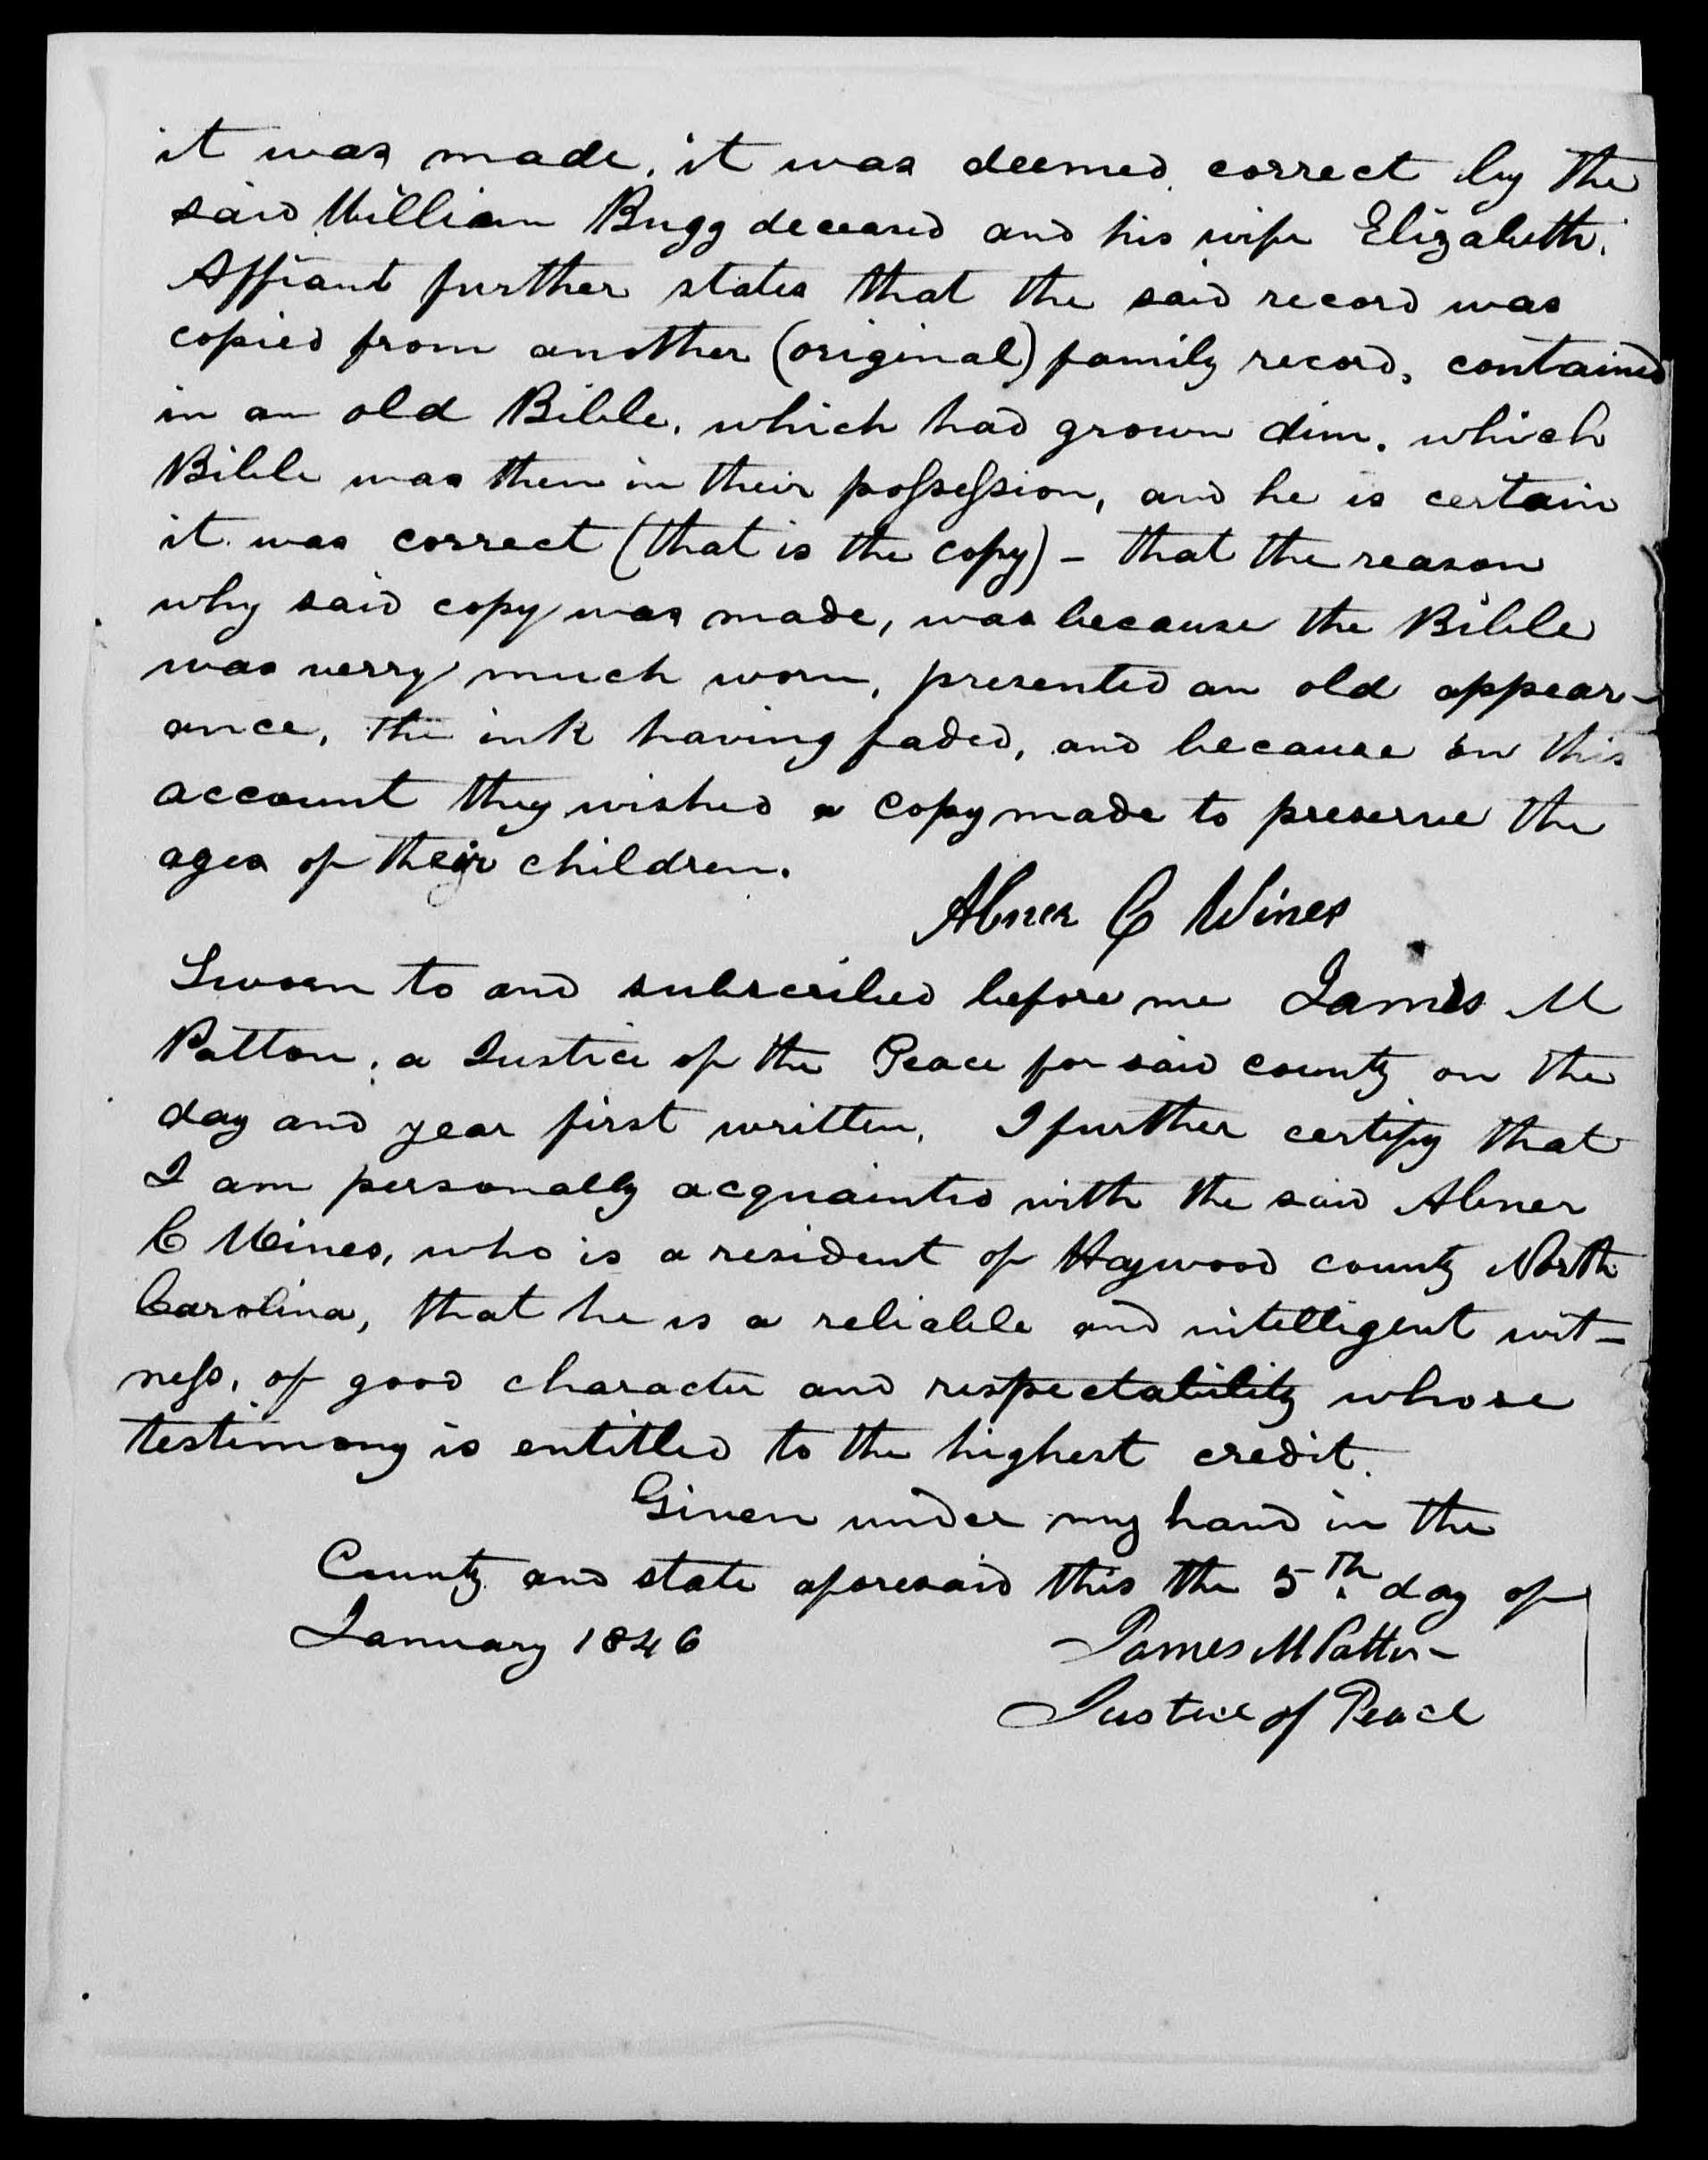it was made, it was deemed correct by the said William Bugg deceased and his wife Elizabeth. Affiant further states that the said record was copied from another (original) family record, contained in an old Bible, which had grown dim. which Bible was then in their possession, and he is certain it was correct (that is the copy) -  that the reason why said copy was made, was because the Bible was verry much worn, presented an old appearance, the ink having faded, and because on this account they wished a Copy made to preserve the ages of their children.   Abner C Wines

Sworn to and subscribed before me James M Patton, a Justice of the Peace for said county on the day and year first written.  I further certify that I am personally acquainted wit the said Abner C Meines, who is a resident of Haywood county North Carolina, that he is a reliable and intelligent witness, of good character and respectability whose testimony is entitled to the highest credit. 

Given under my hand in the County and state aforesaid this the 5th. day of January 1846
James M Patten [or Patton] Justice of Peace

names: Abner C Wines, Elizabeth, William Bugg, James M Patton, James M Patton, Abner C Wines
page: 46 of 50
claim: widow's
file: W. 898, William Bugg, N.C.